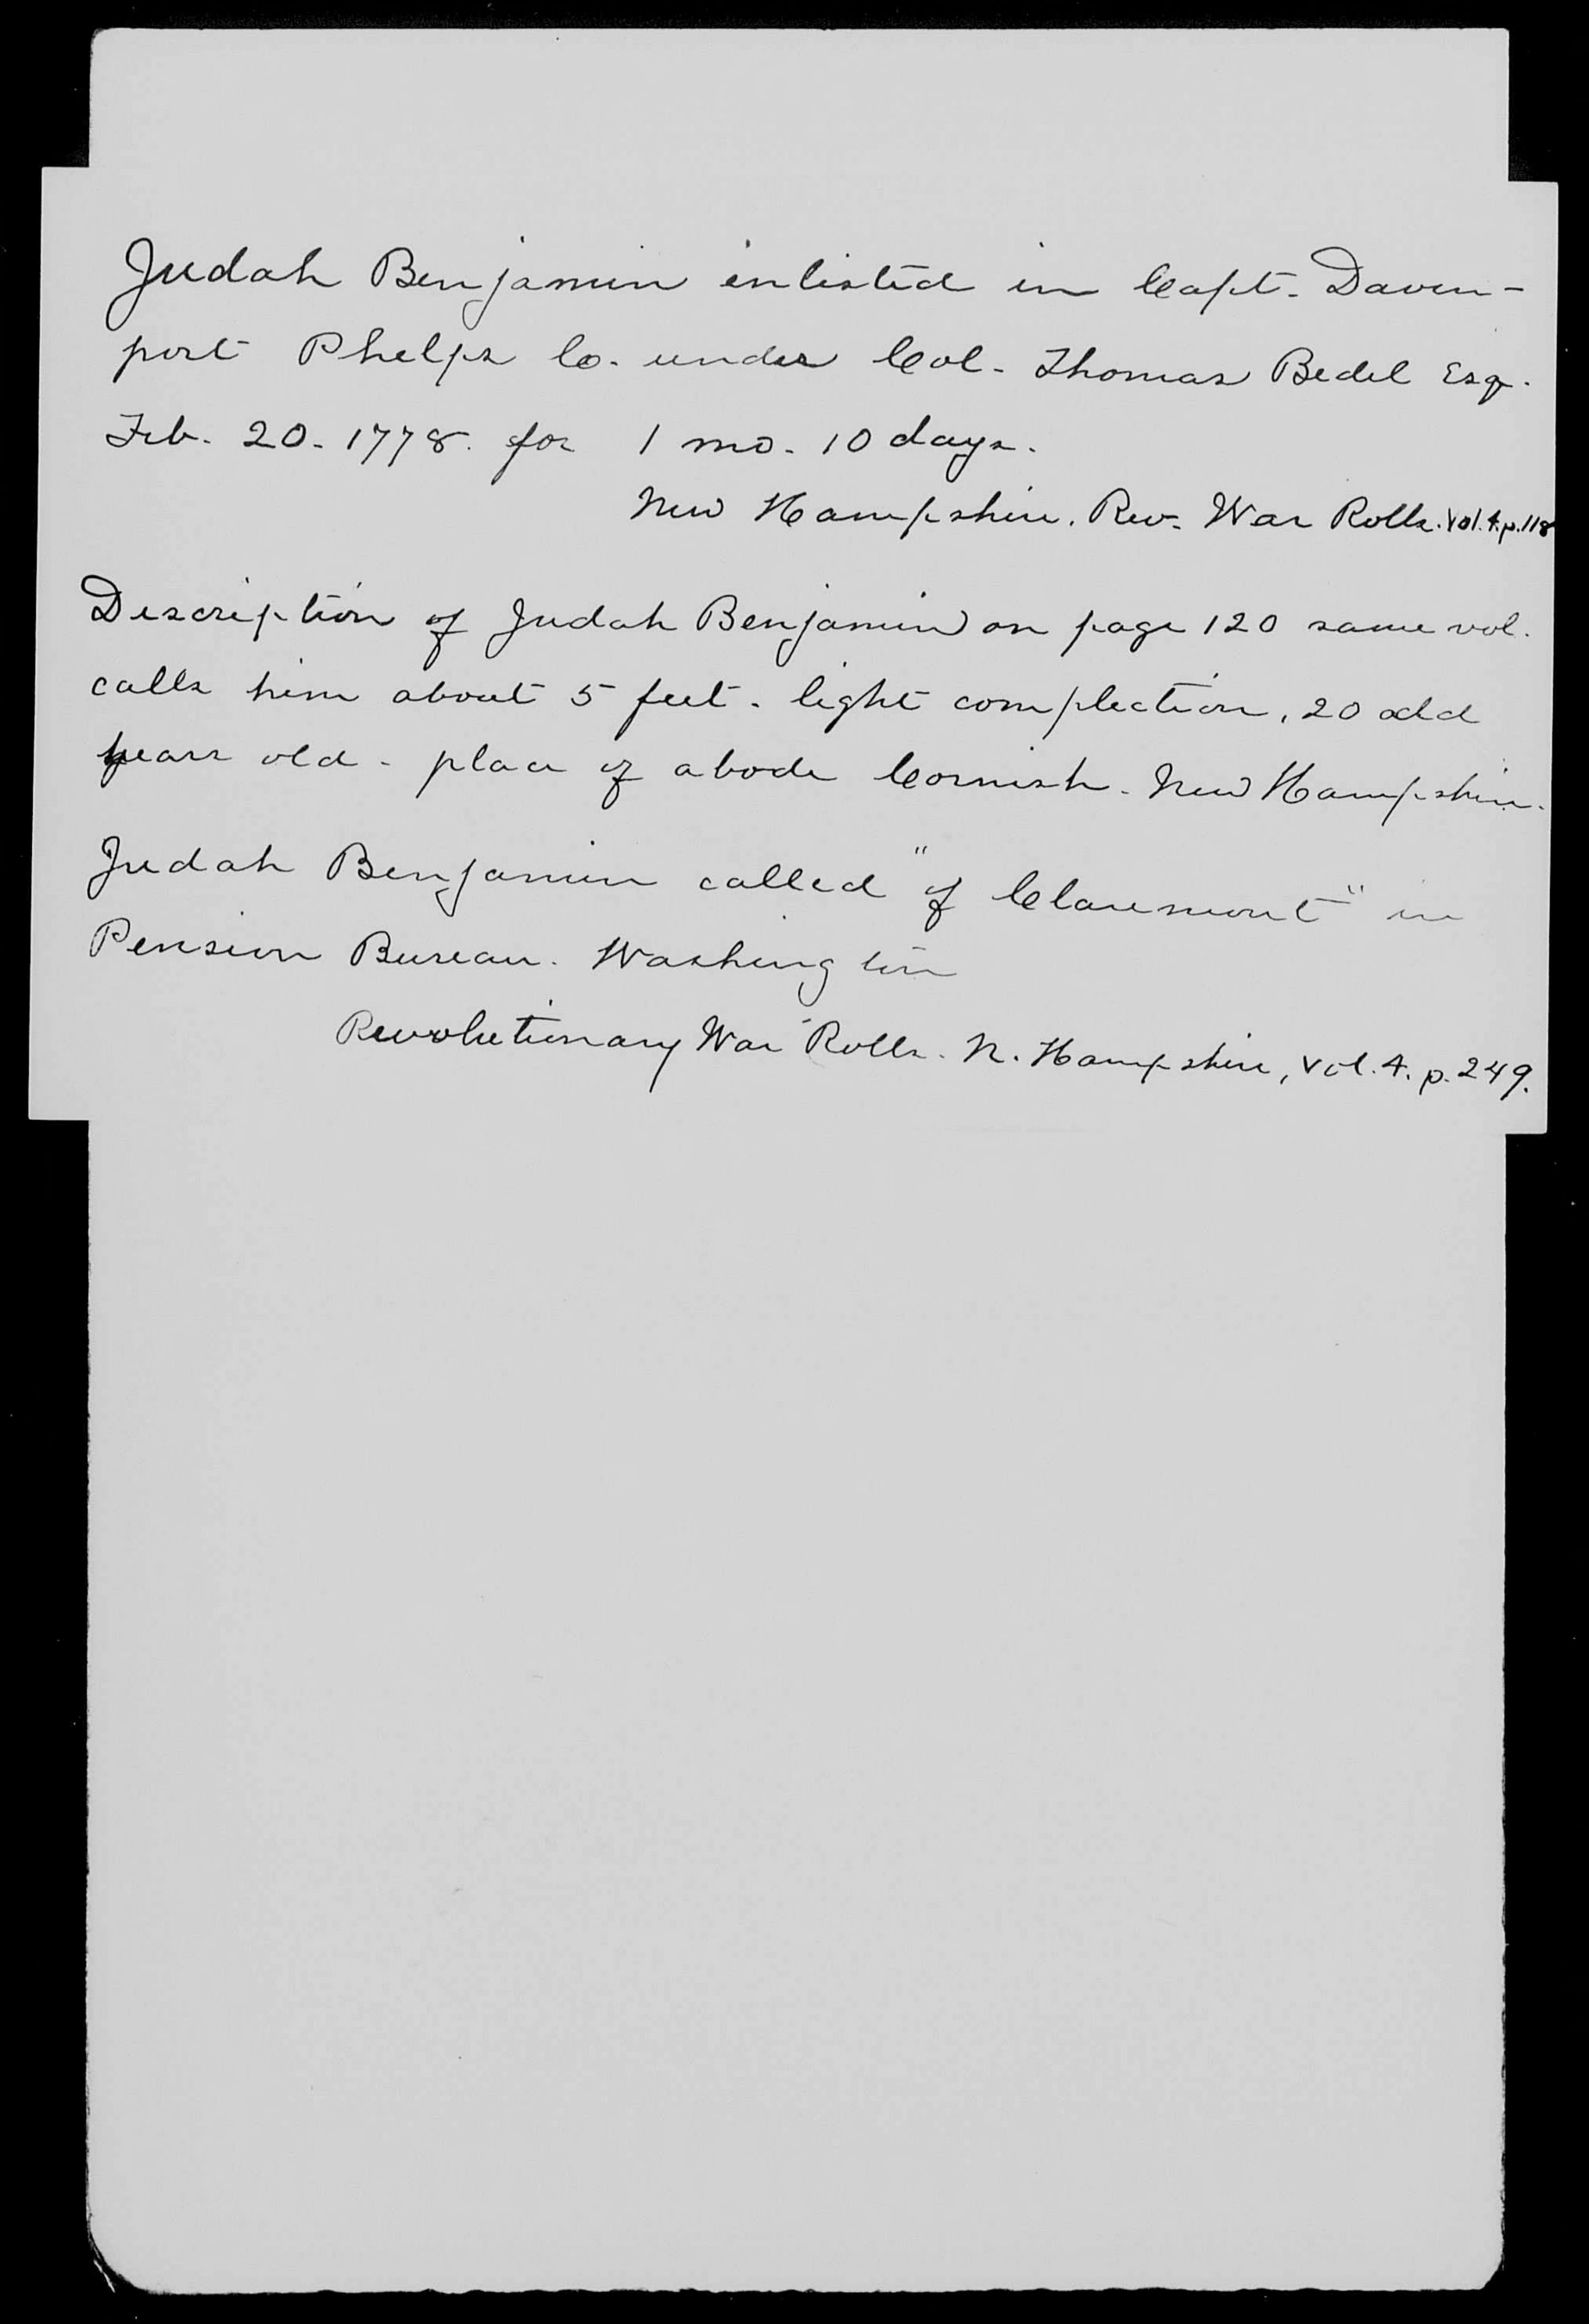Judah Benjamin enlisted in Capt. Davenport Phelps Co. under Col. Thomas Bedel Esq. Feb. 20, 1778 for 1 mo. 10 days.
New Hampshire, Rev. War Rolls Vol.4 p.118

Description of Judah Benjamin on page 120 same vol. calls him about 5 feet, light complection [complexion], 20 odd years old - place of abode Cornish. New Hampshire

Judah Benjamin called "of Claremont" in Pension Bureau. Washington
Revolutionary War Rolls. N. Hampshire, Vol. 4. p. 249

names: Thomas Bedel, Judah Benjamin, Judah Benjamin, Judah Benjamin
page: 32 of 34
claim: survivor's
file: S. 39981, Judah Benjamin, Continental (N. H. And N. Y.)